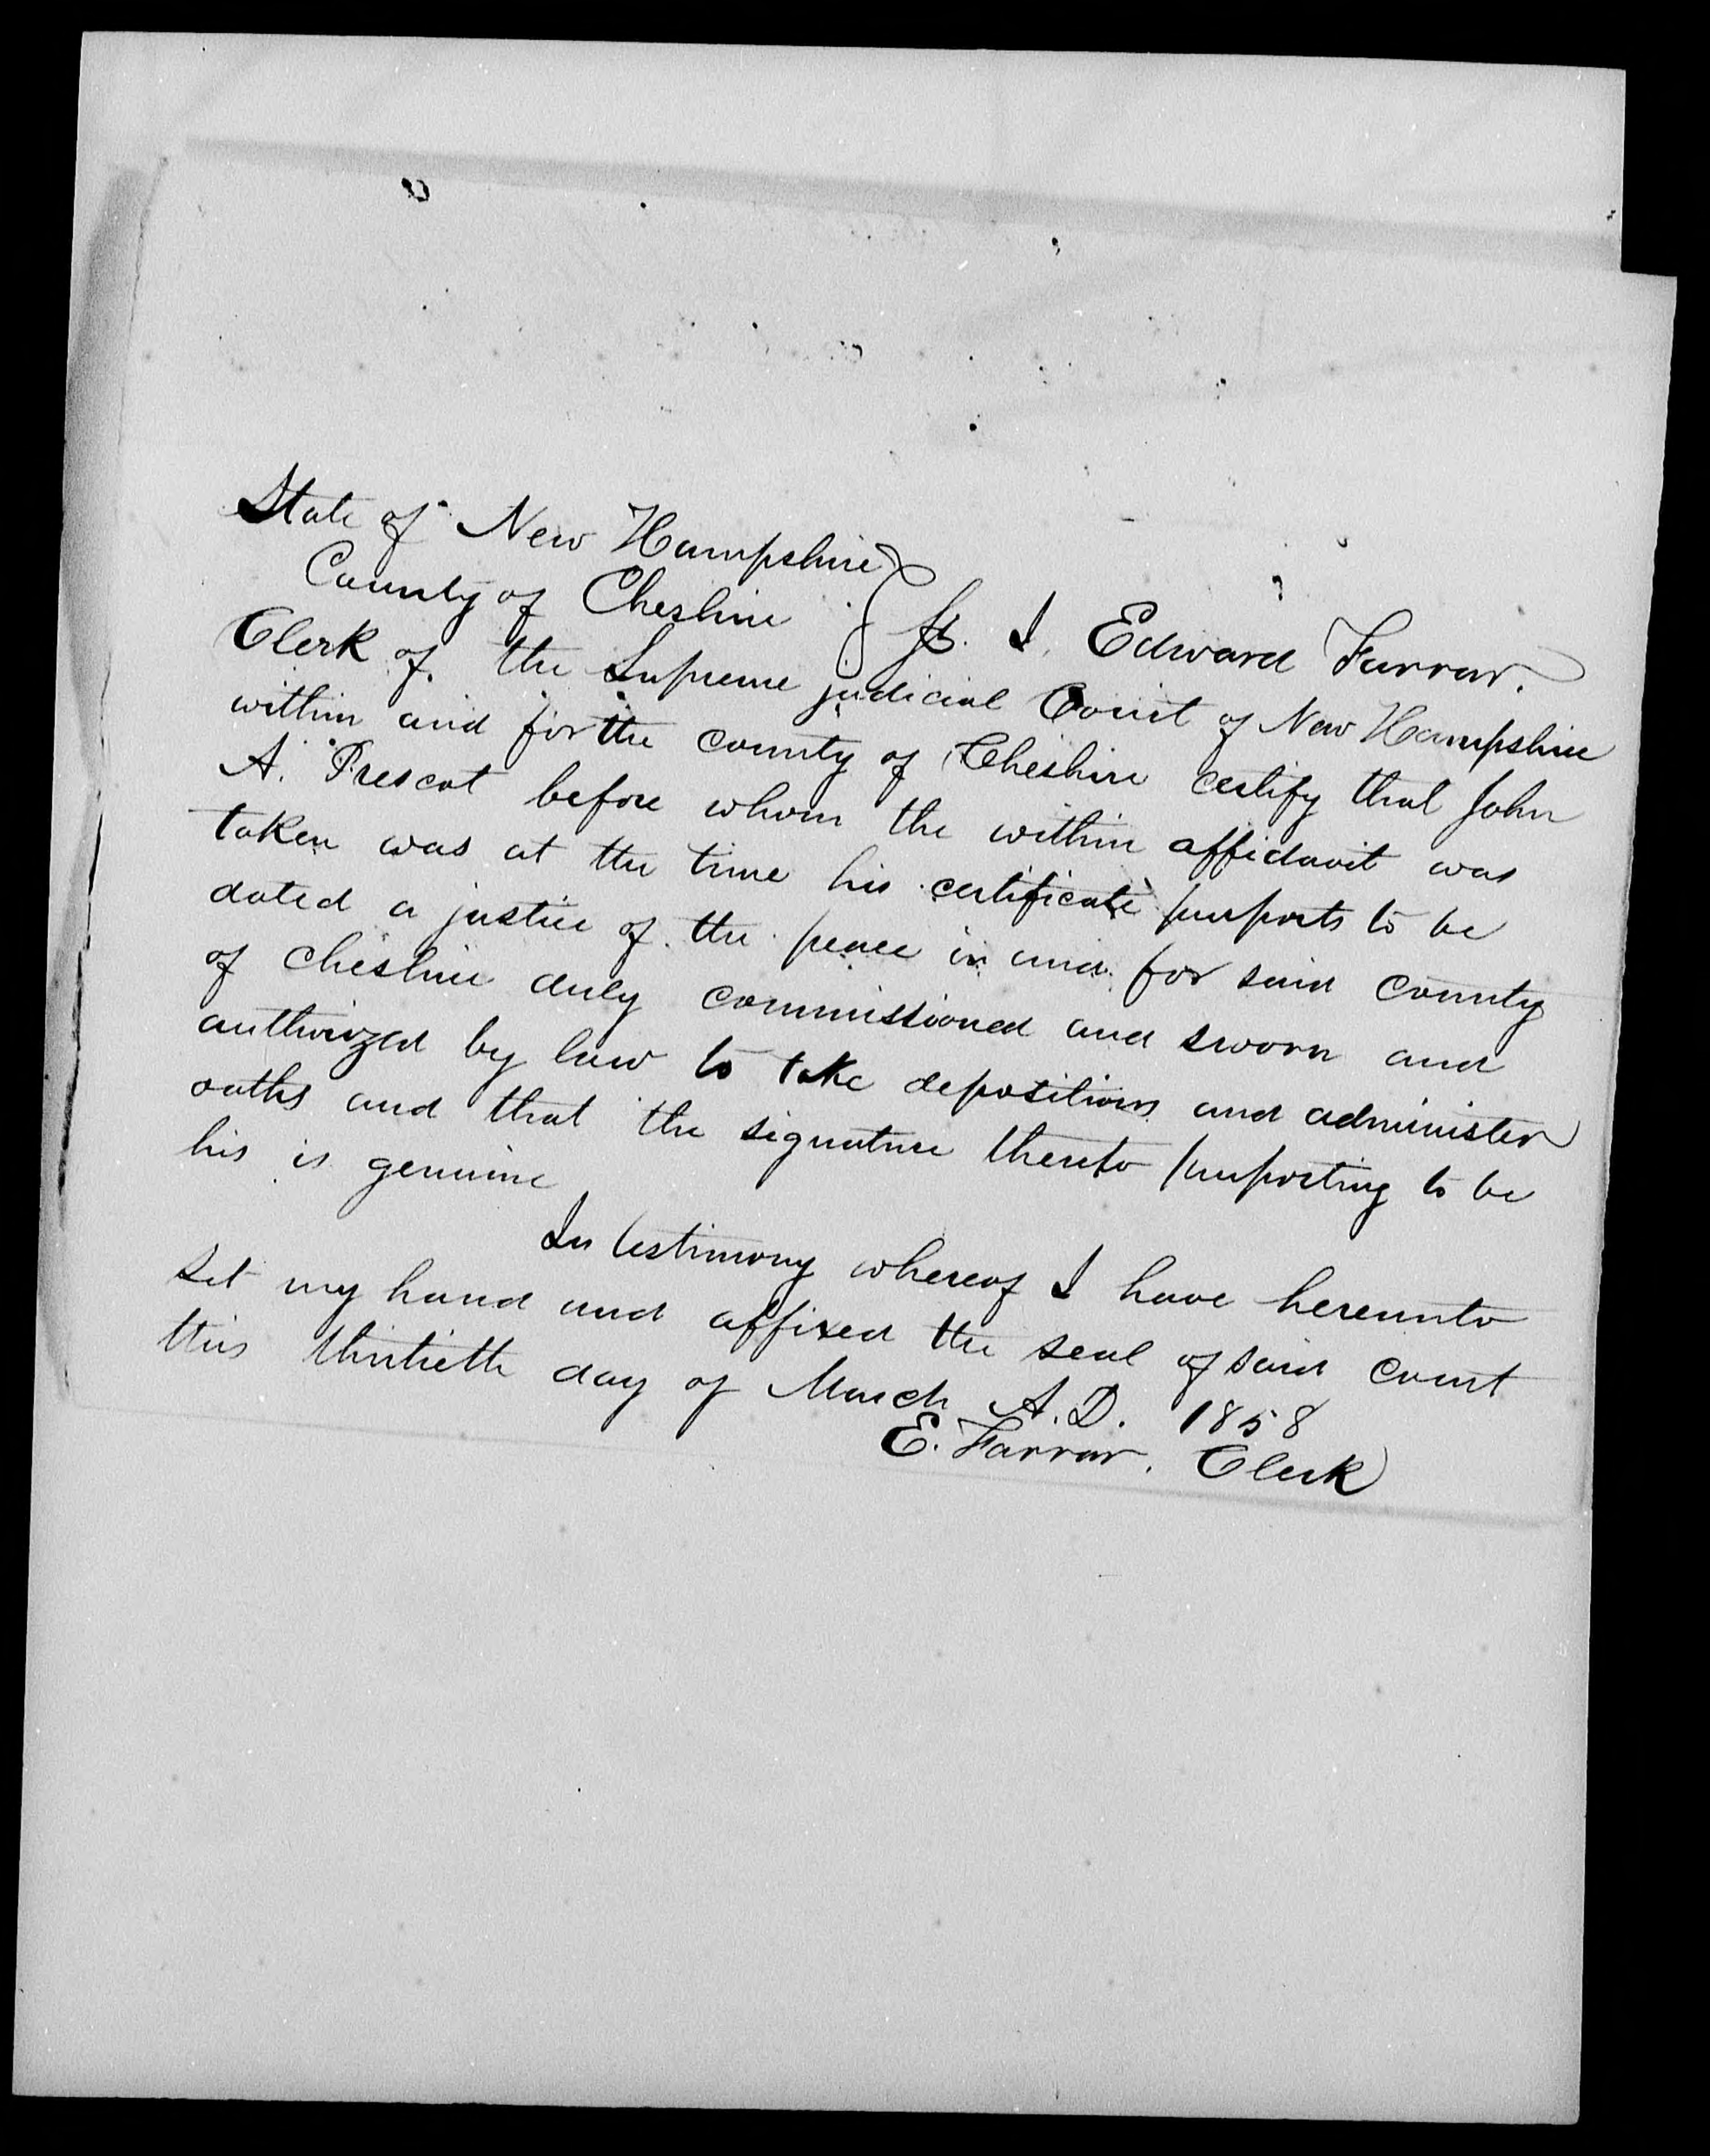State of New Hampshire 
County of Cheshire
I Edward Ferrar
Clerk of the Supreme Judicial Court of New Hampshire
within and for the County of Cheshire certify that John
A. Prescot before whom the within affidavit was
taken was at the time his certificate purports to be
dated a justice of the peace in and for said County
of Cheshire duly commissioned and sworn and
authorized by law to take depositions and administer
oaths and that the signature thereto purporting to be
his is genuine

In testimony whereof I have hereunto
set my hand and affixed the seal of said Court
this thirtieth day of March A.D. 1858
E. Farrer Clerk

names: Edward Farrar, E Farrar, John A Prescot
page: 10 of 41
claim: widow's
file: W. 9819, Nathaniel Cumings, Vt.